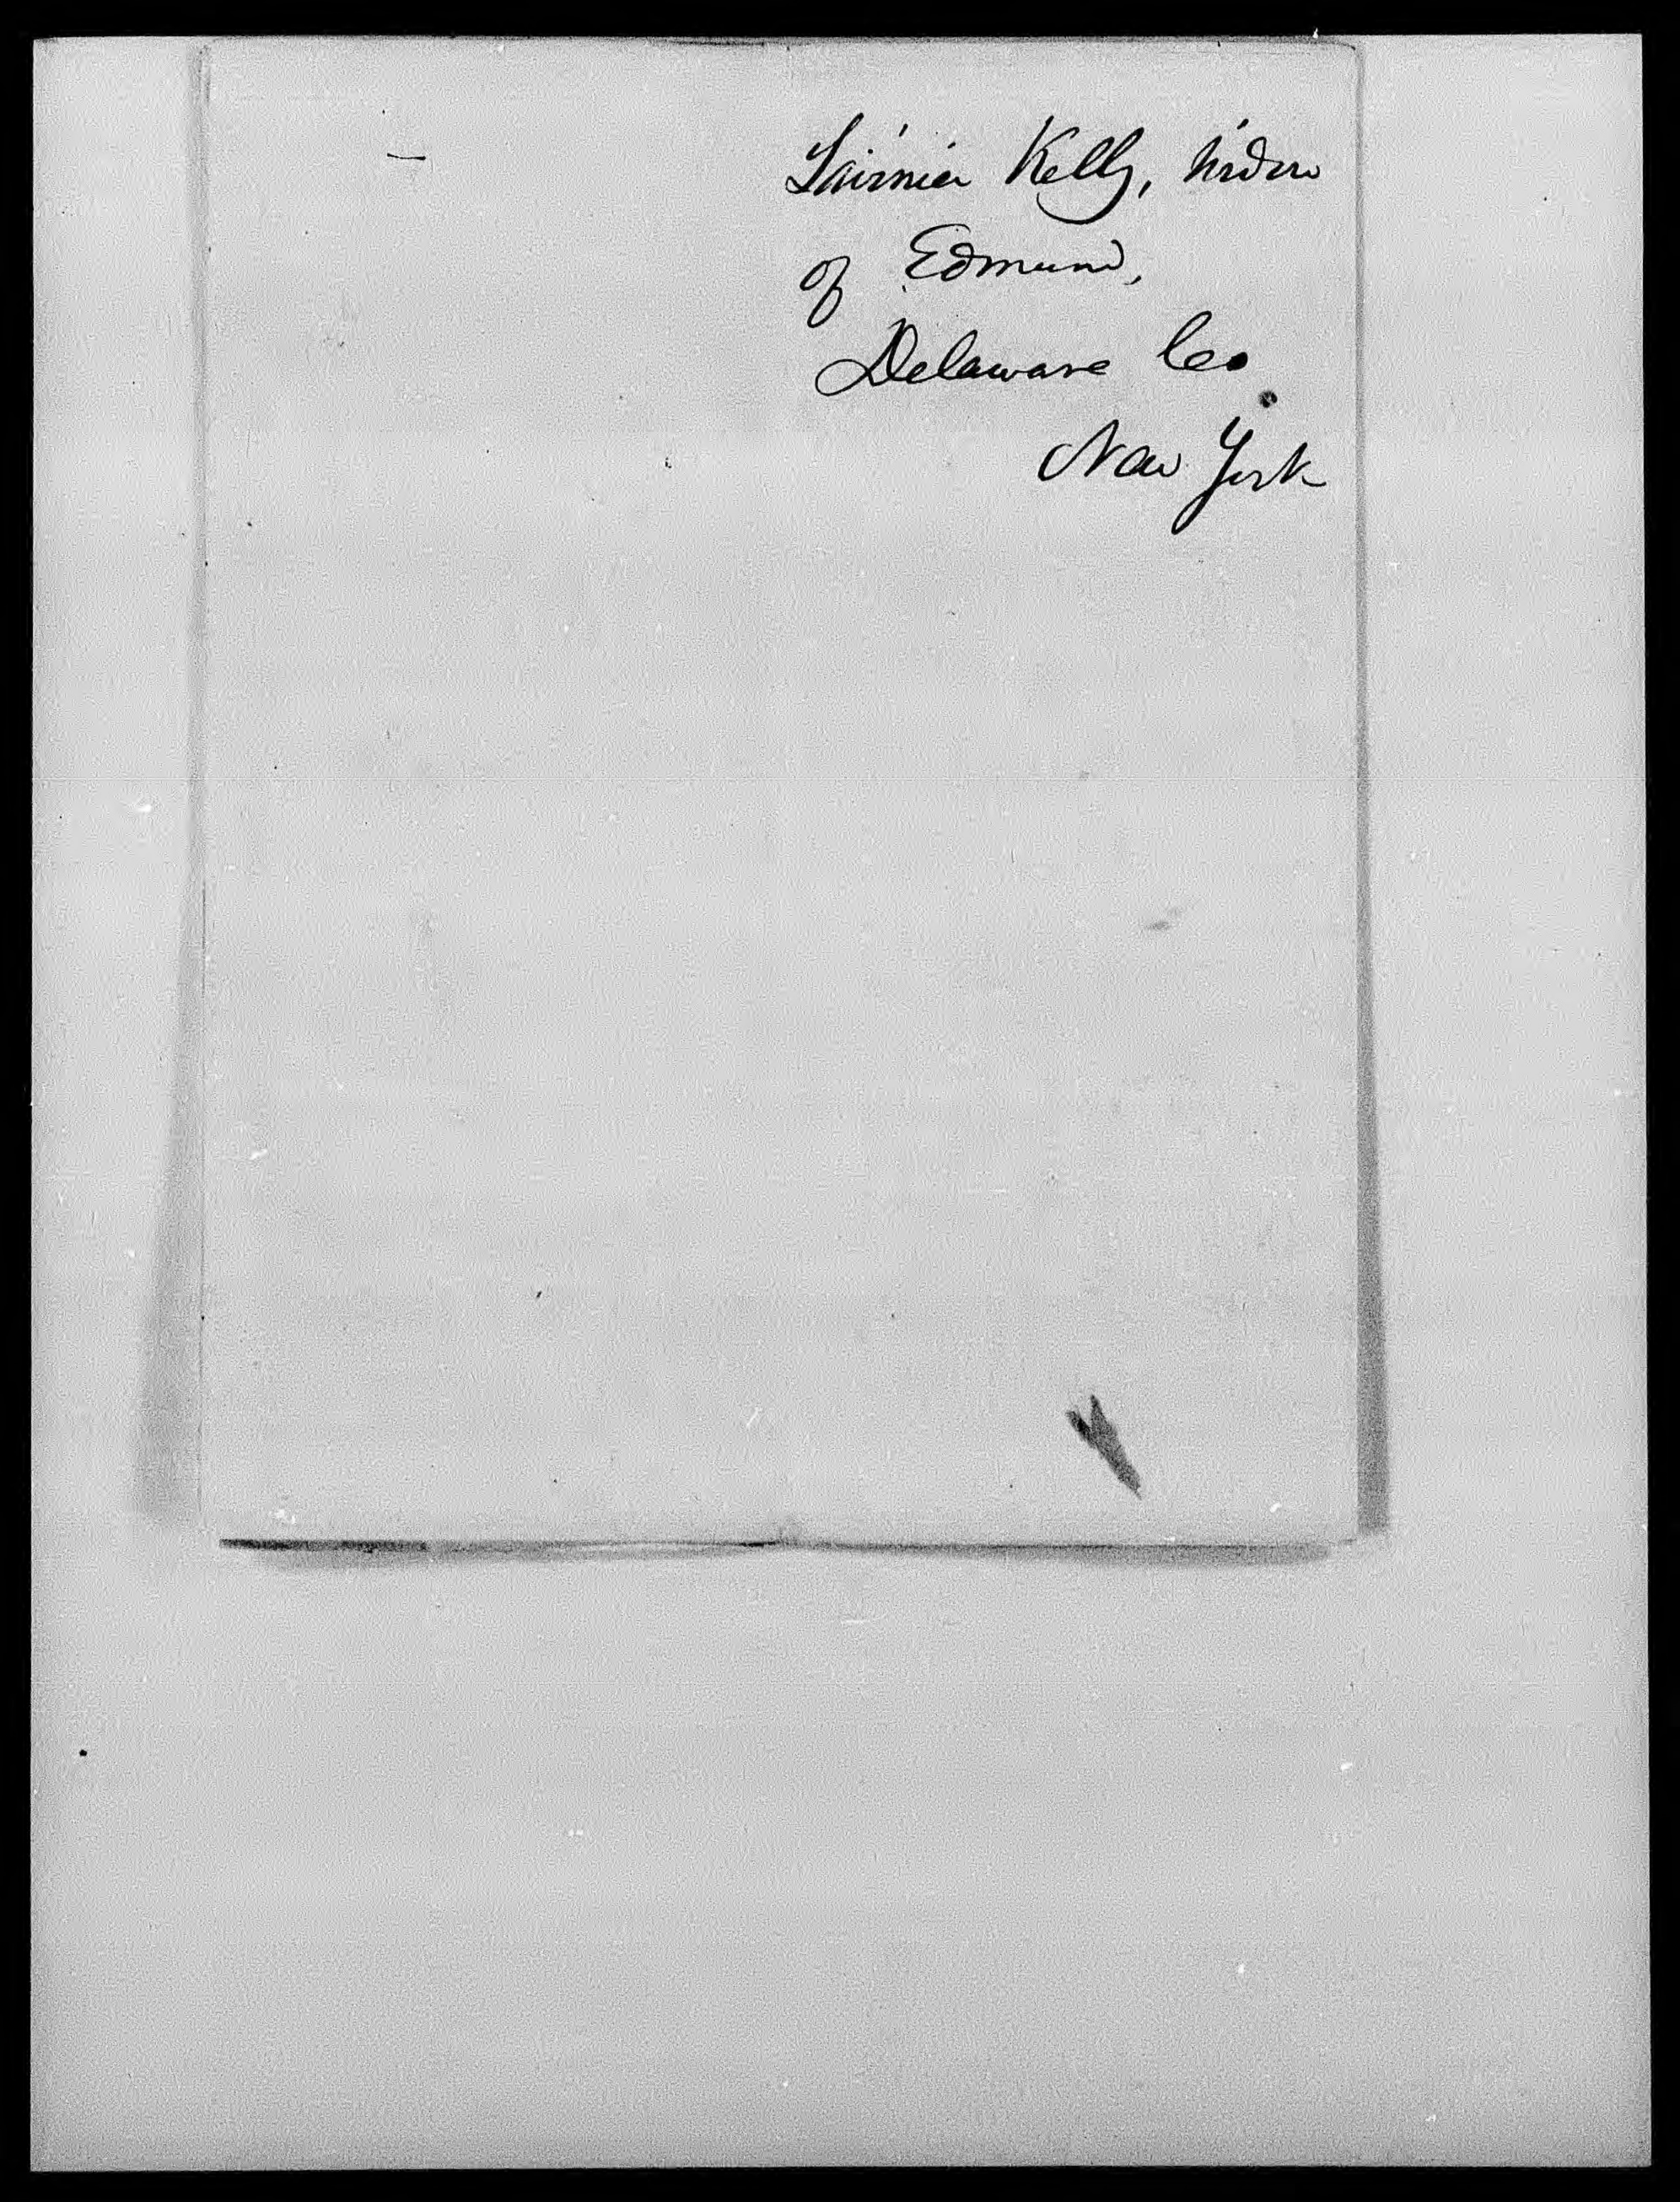Lovinia Kelly, widow of
Edmund
Delaware Co.
New York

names: Edmund Kelly; Lavinia Kelly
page: 7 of 45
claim: widow's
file: W. 26748, for Edmund Kelly, New York